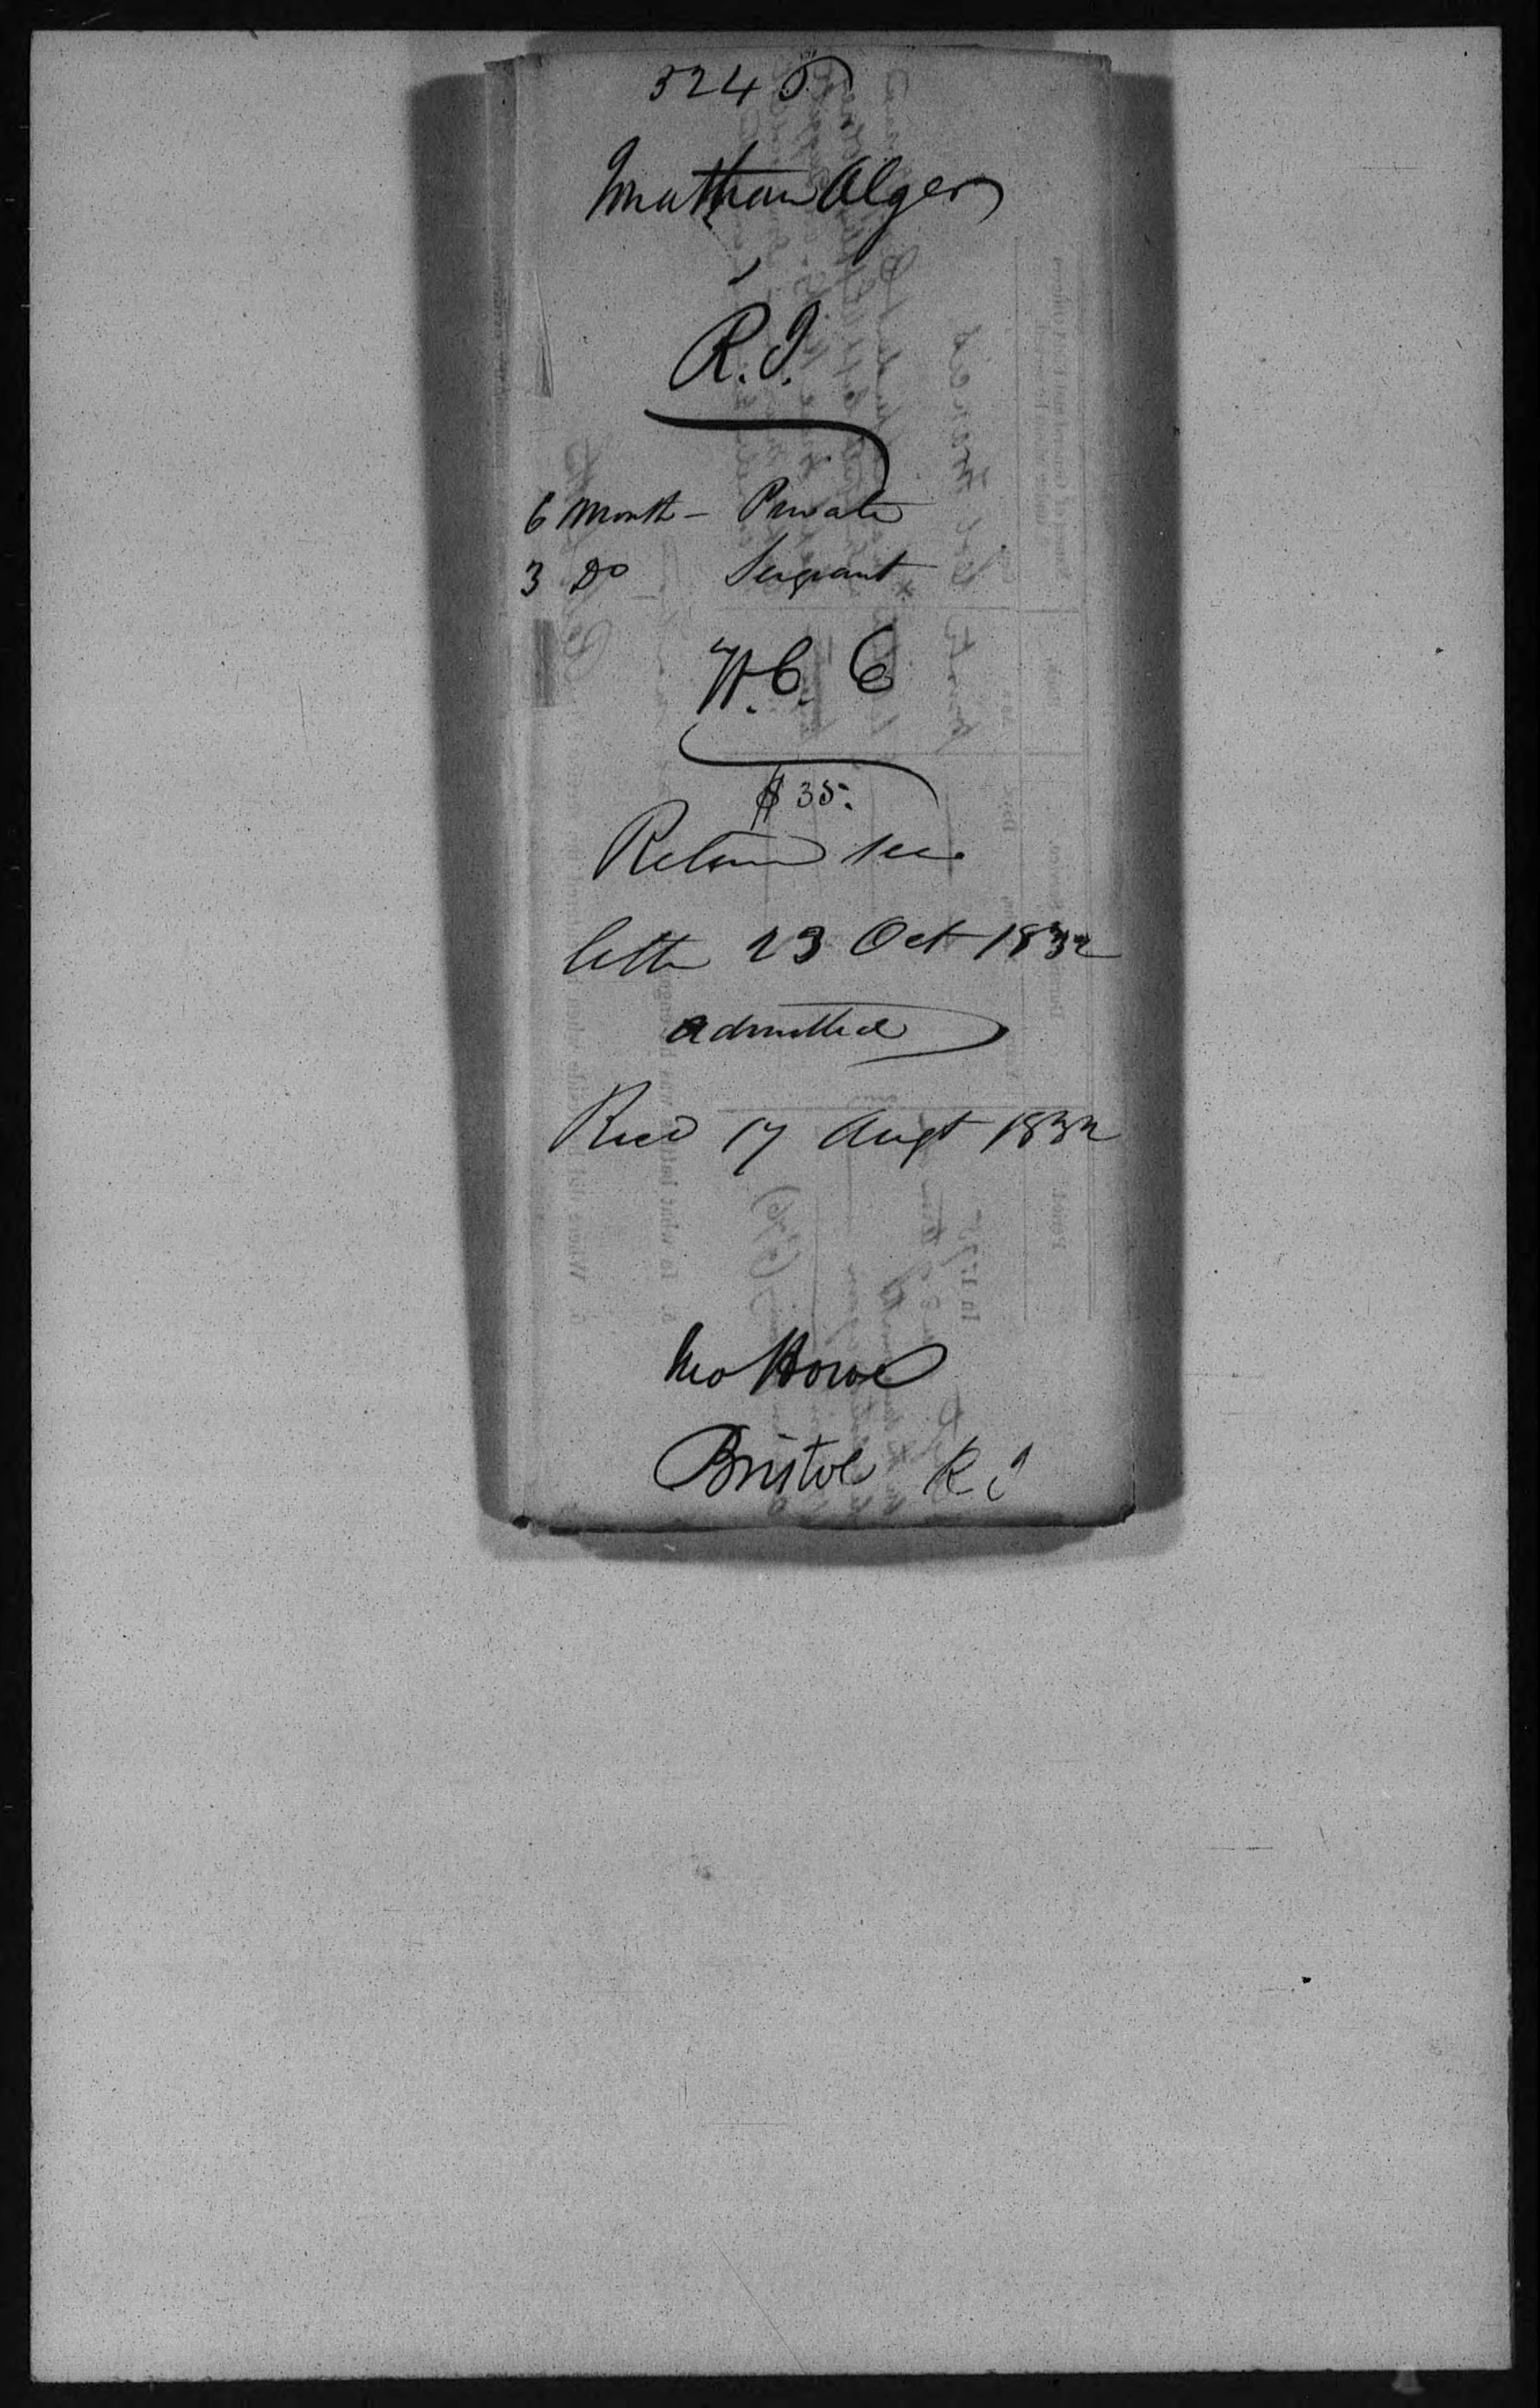5246
Jonathan Alger
R. I.
6 month - Private
3 do Sergeant
W.C.E
$35
Return [illegible] letter 23 Oct 1832
admitted
Rec'd 17 Aug't 1832
Geo Howe
Bristol R I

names: Jonathan Alger, Jno Howe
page: 9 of 16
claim: survivor's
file: S. 21040, Jonathan Alger, Mass. R. I.